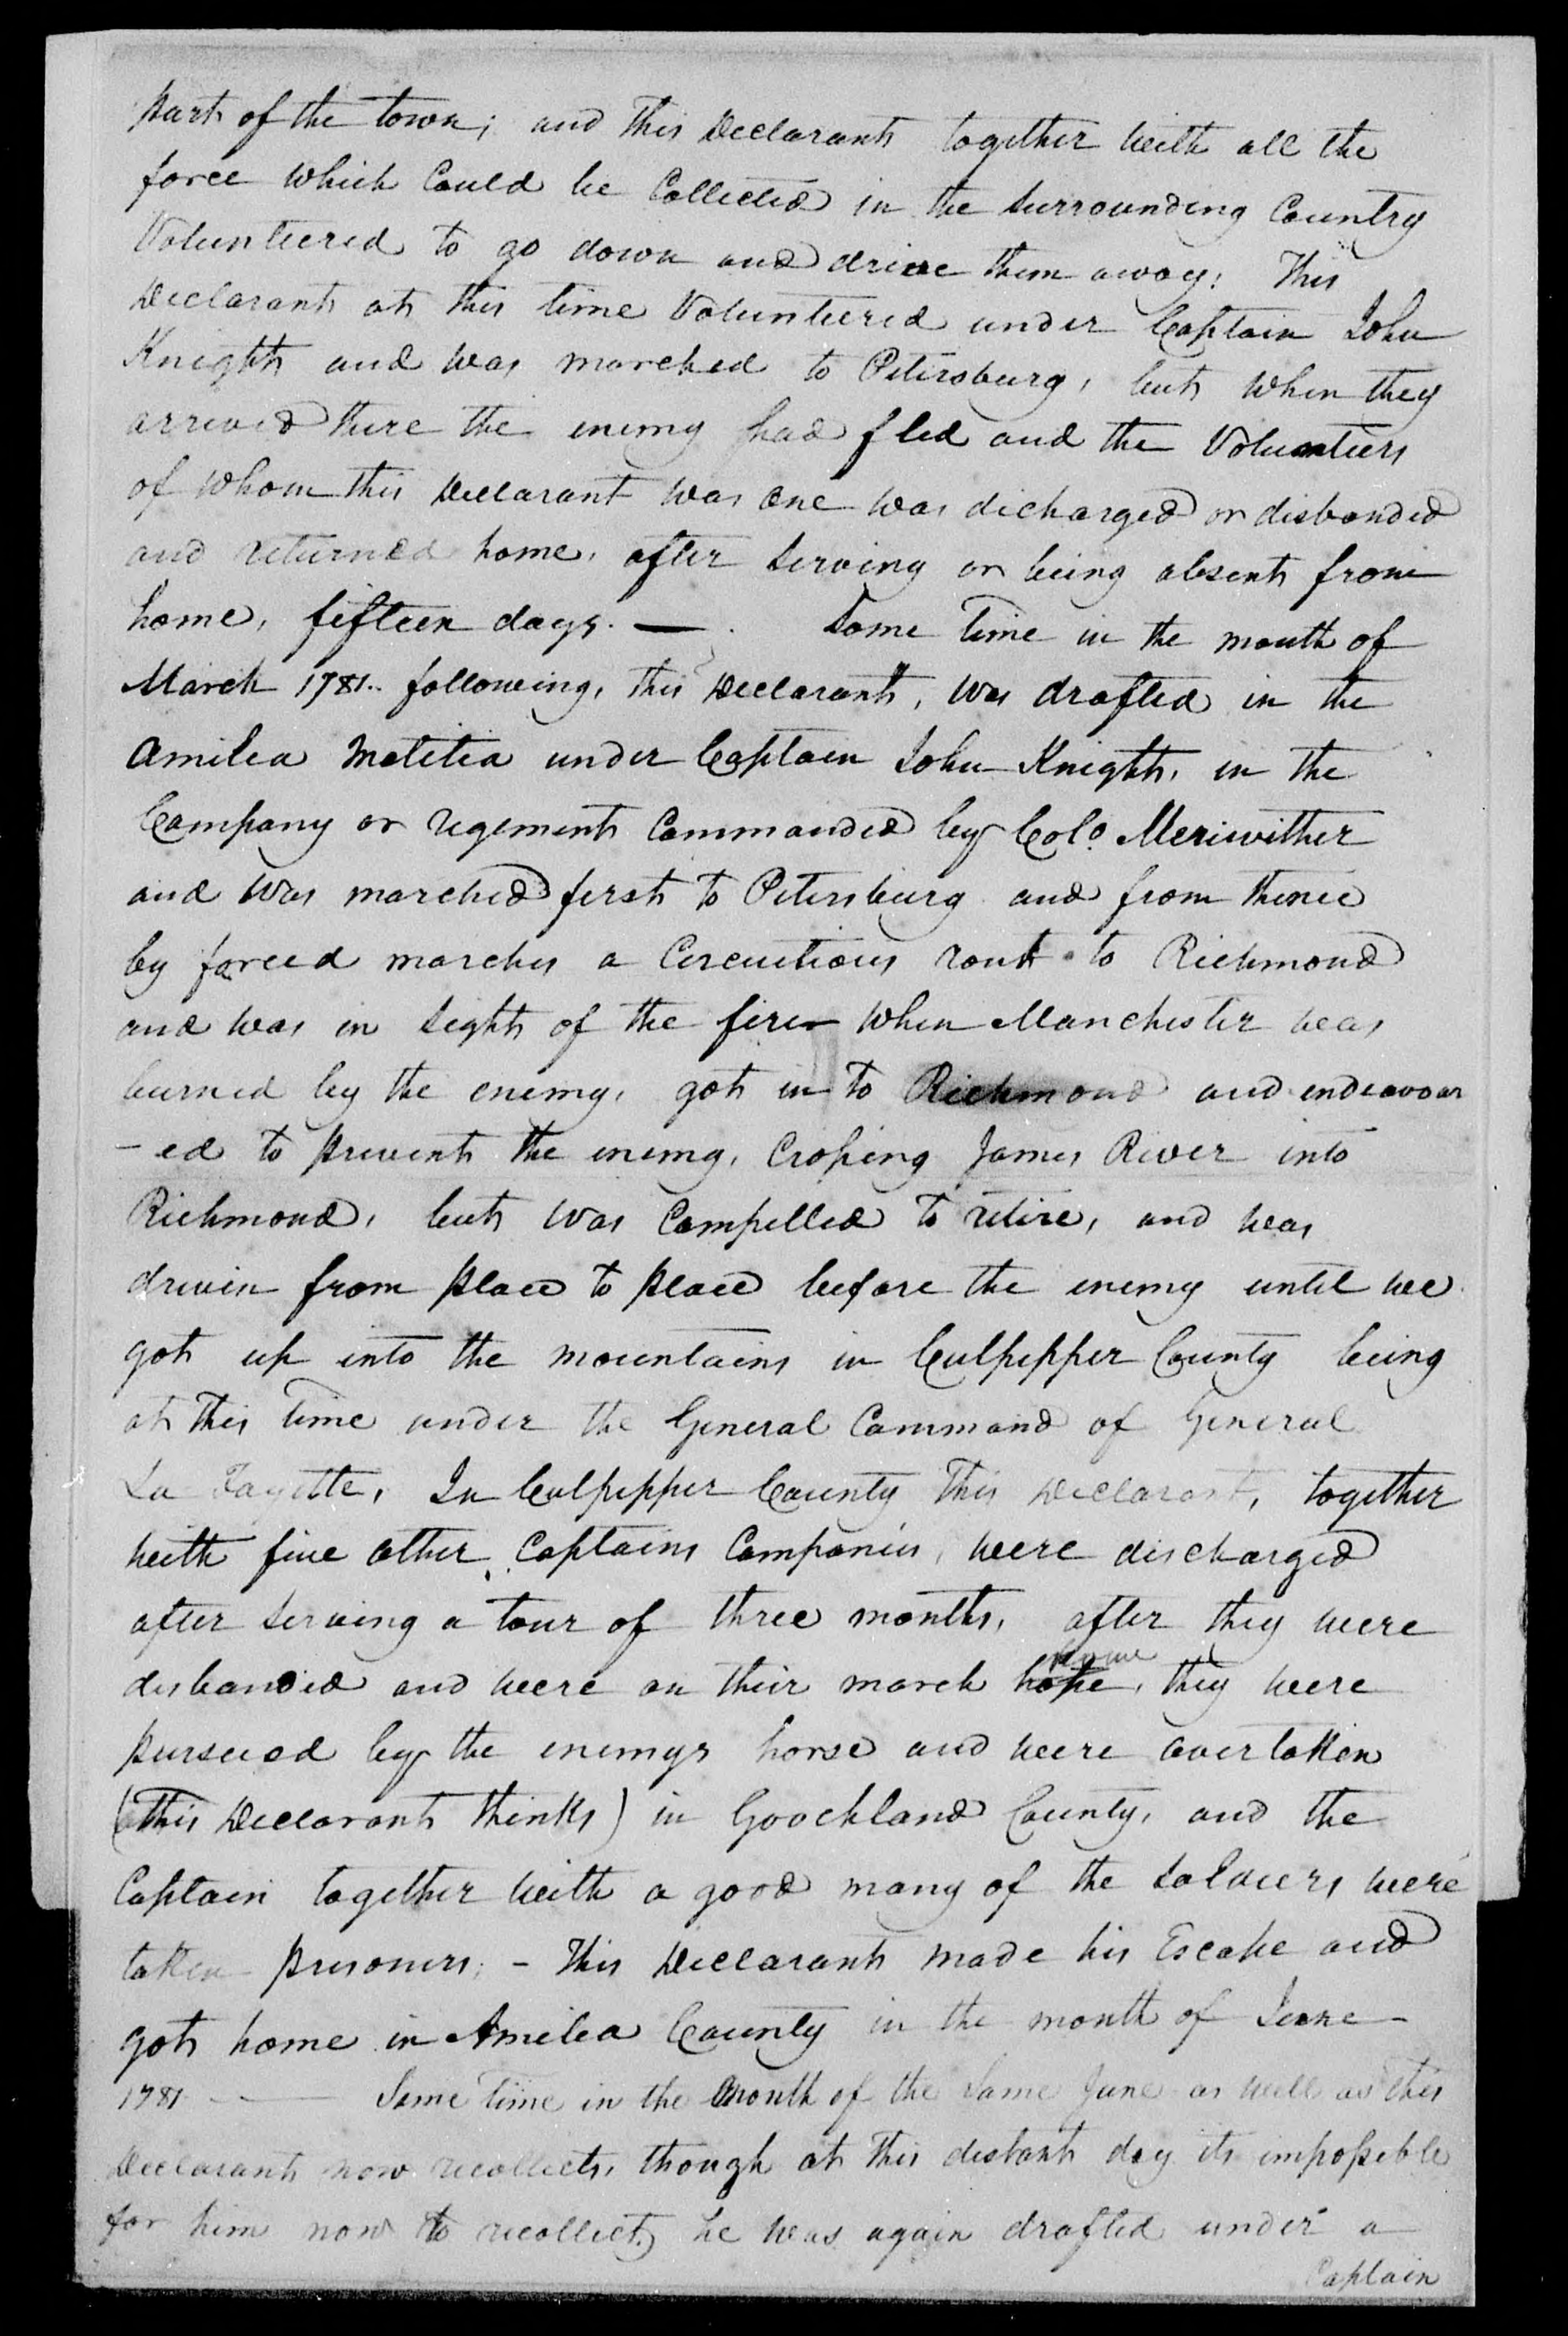part of the town; and this declarant together with all the force which could be collected in the surrounding country volunteered to go down and drive them away.  This Declarant at this time volunteered under Captain John Knight and was marched to Petersburg, but when they arrived there the enemy had fled and the volunteers of whom this Declarant was one was dicharged or disbanded and returned home.  after serving or being absent from home, fifteen days.—.  Some time in the month of March 1781.. following, this Declarant, was drafted in the Amilia malitia under Captain John Knight, in the Company or Regiment commanded by Colo. Meriwither and was marched first to Petersburg and from thence by forced marches a circuitious rout to Richmond and was in sight of the fires when Manchester was burned by the enemy.  got in to Richmond and endeavored to prevent the enemy, crossing James River into Richmond, but was compelled to retire, and was drivin from place to place before the enemy until we got up into the mountains in Culpepper County being at this time under the General command of General Lafayette.  In Culpepper County  This Declarant, together with five other Captains Companies, were discharged after serving a tour of three months, after they were disbanded and were on their march home, they were pursued by the enemys horse and were overtaken (This Declarant thinks) in Goochland County, and the Captain together with a good many of the soldiers were taken prisoners;— This Declarant made his escape and got home in Amelia County in the month of June 1781.— Some time in the month of the Same June as well as this declarant now recollects, though at this distant day its impossible for him now to recollect he was again drafted under a Captain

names: John Knight, John Knight, La Fayette, Meriwether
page: 5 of 58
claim: survivor's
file: S. 6,941, Starling Gunn, Continental Va.